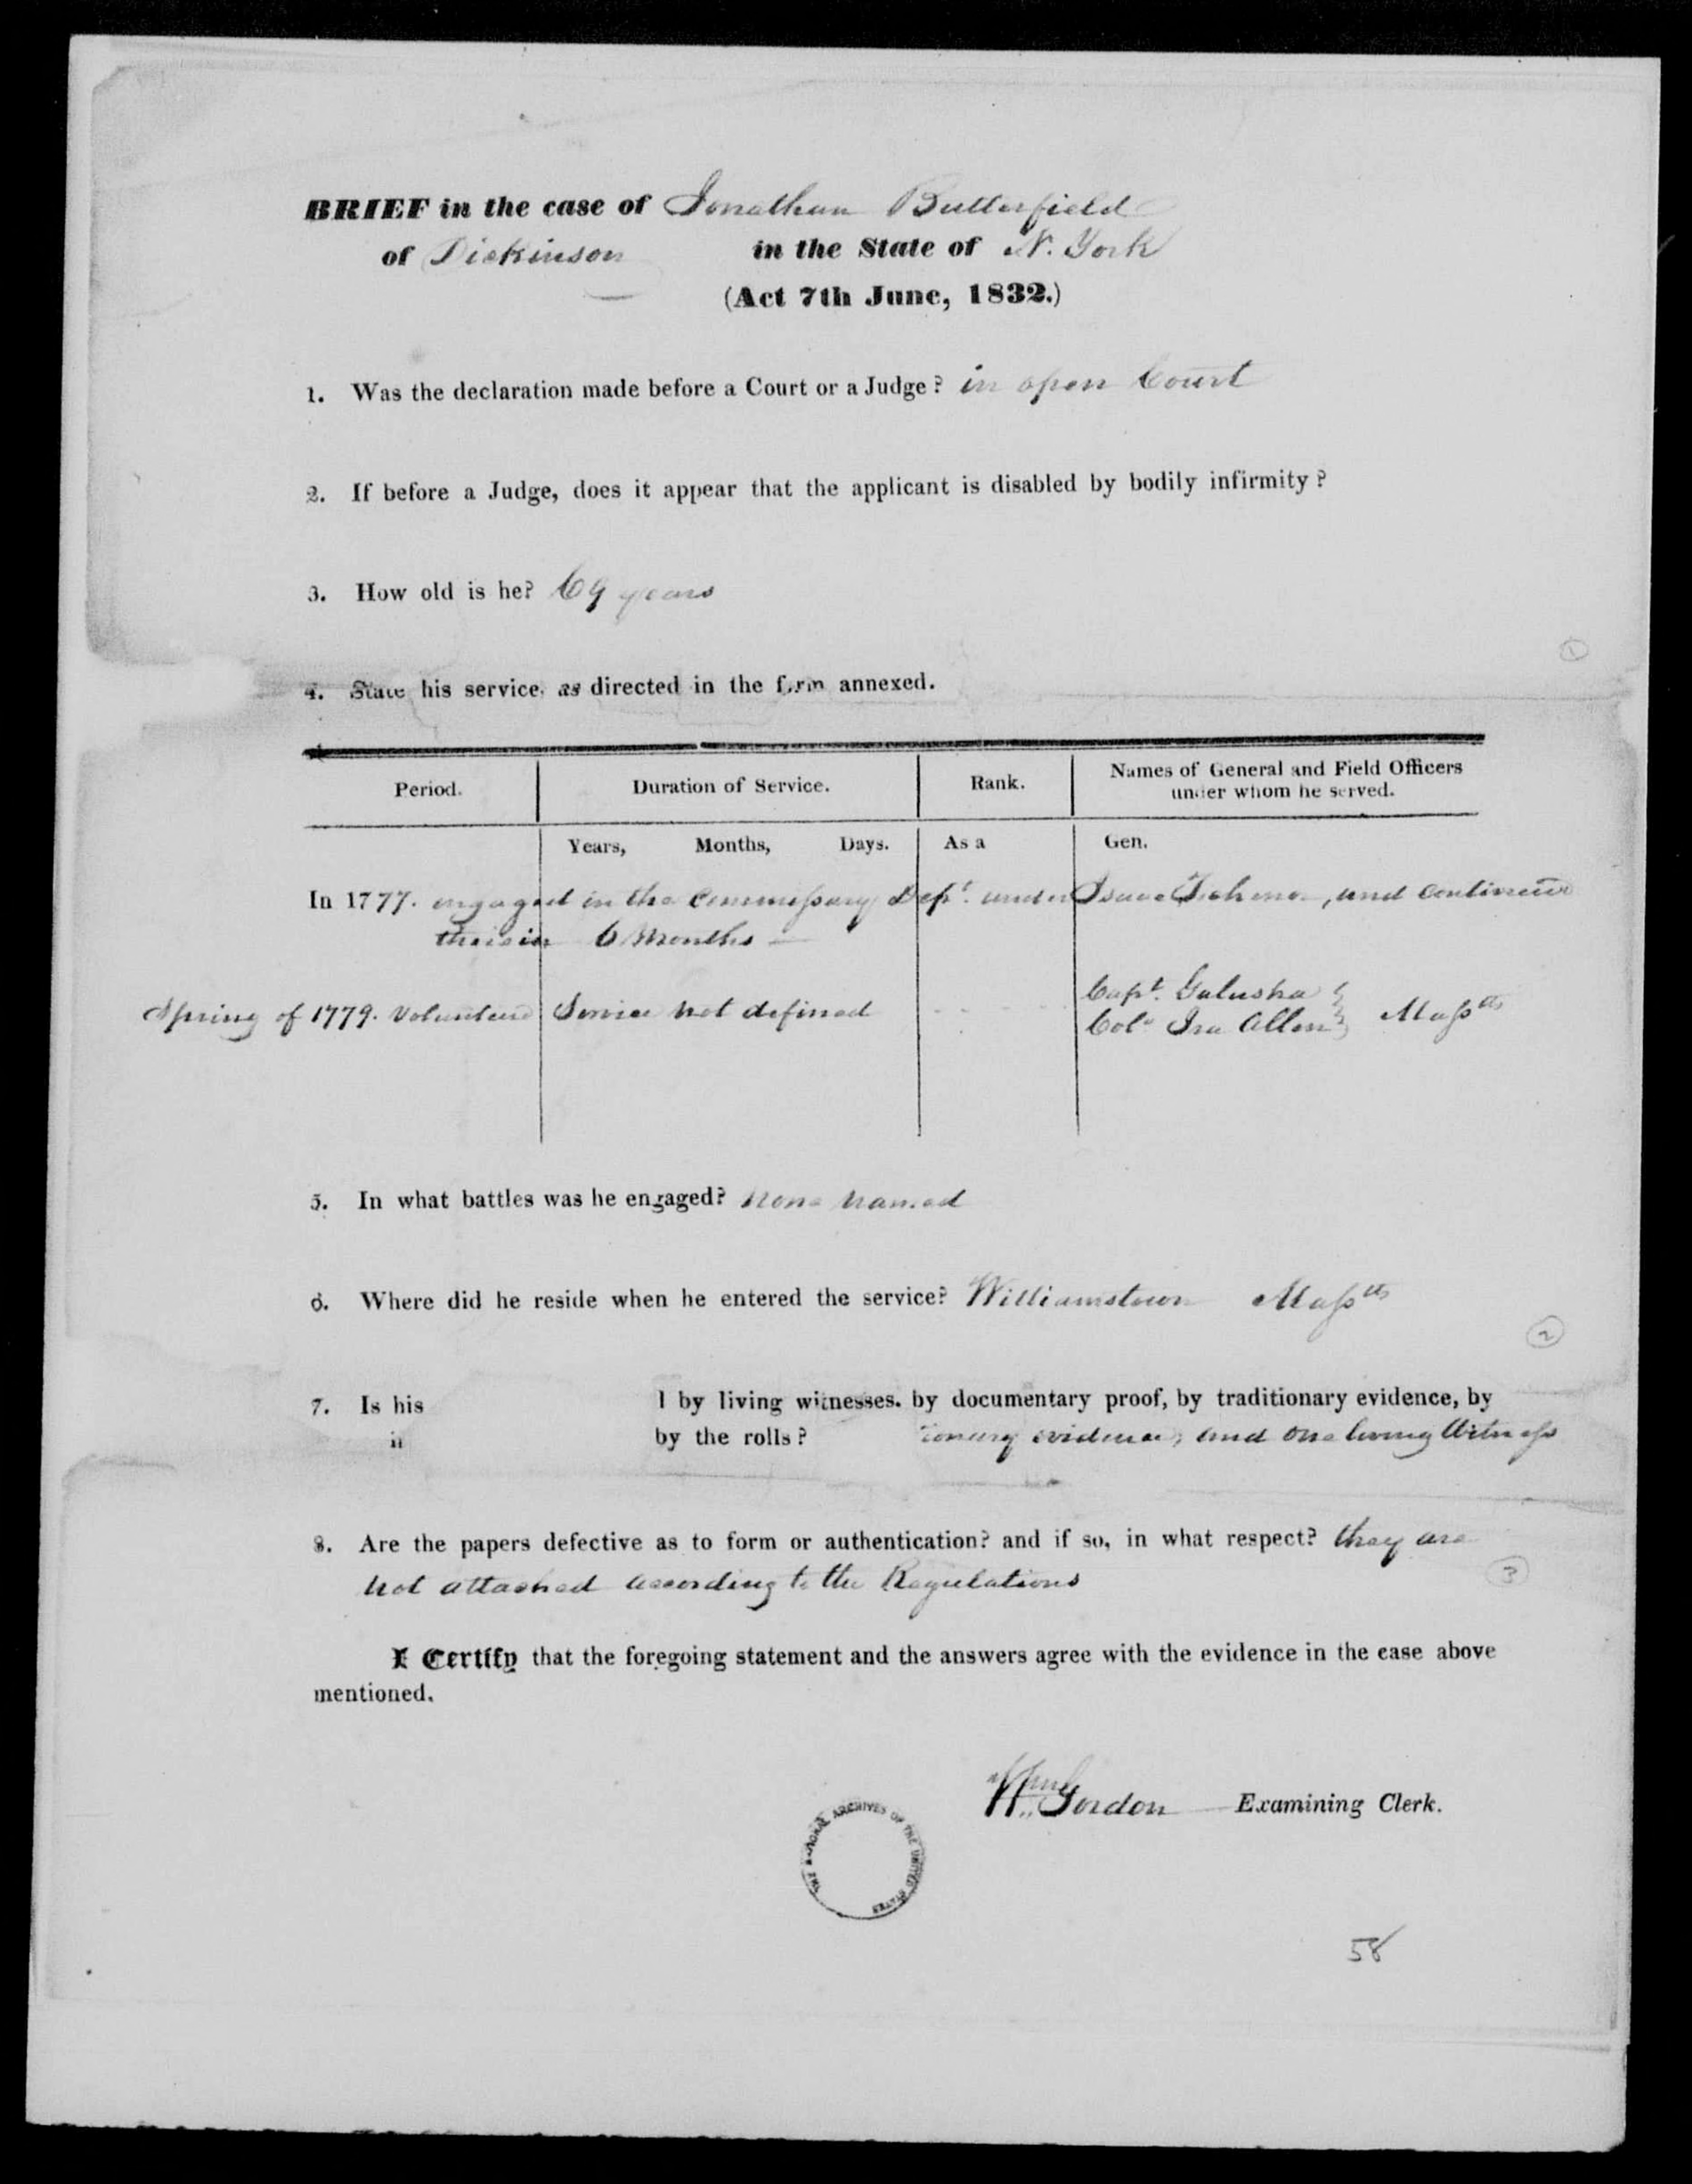-
BRIEF in the case of Jonathan Butterfield of Dickinson in the State of N. York
(Act 7th June, 1832.)
1. Was the declaration made before a Court or a Judge? in open Court
2. If before a Judge, does it appear that the applicant is disabled by bodily infirmity?
3. How old is he? 69 years
7. State his service, as directed in the form annexed.
Period.
In 1777, in
this
Duration of Service.
Rank.
Spring of 1779. Volunteer
Years Months Days.
As a
in the Commissary Dept under Issac Fisher
6 months service
not defined
5. In what battles was he engaged? none
Names of General and Field Officers
under whom he served.
Gen.
sue then and continued
Capt Galusha
Col. Ira Allen 
. Where did he reside when he entered the service? Williamstown
7. Is his
it
by living witnesses, by documentary proof, by traditionary evidence, by
by the rolls?
Traditionary evidence; and one living witness
8. Are the papers defective as to form or authentication? and if so, in what respect? they are
not attached according to the Regulations
Certify that the foregoing statement and the answers agree with the evidence in the case above
mentioned.
I
W Gordon Examining Clerk
58 ┃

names: Wm Gordon, Galusha, Ira Allen, Jonathan Butterfield, Isaac Fishmer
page: 18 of 40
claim: rejected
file: R. 1558, Jonathan Butterfield, Mass. Vt.